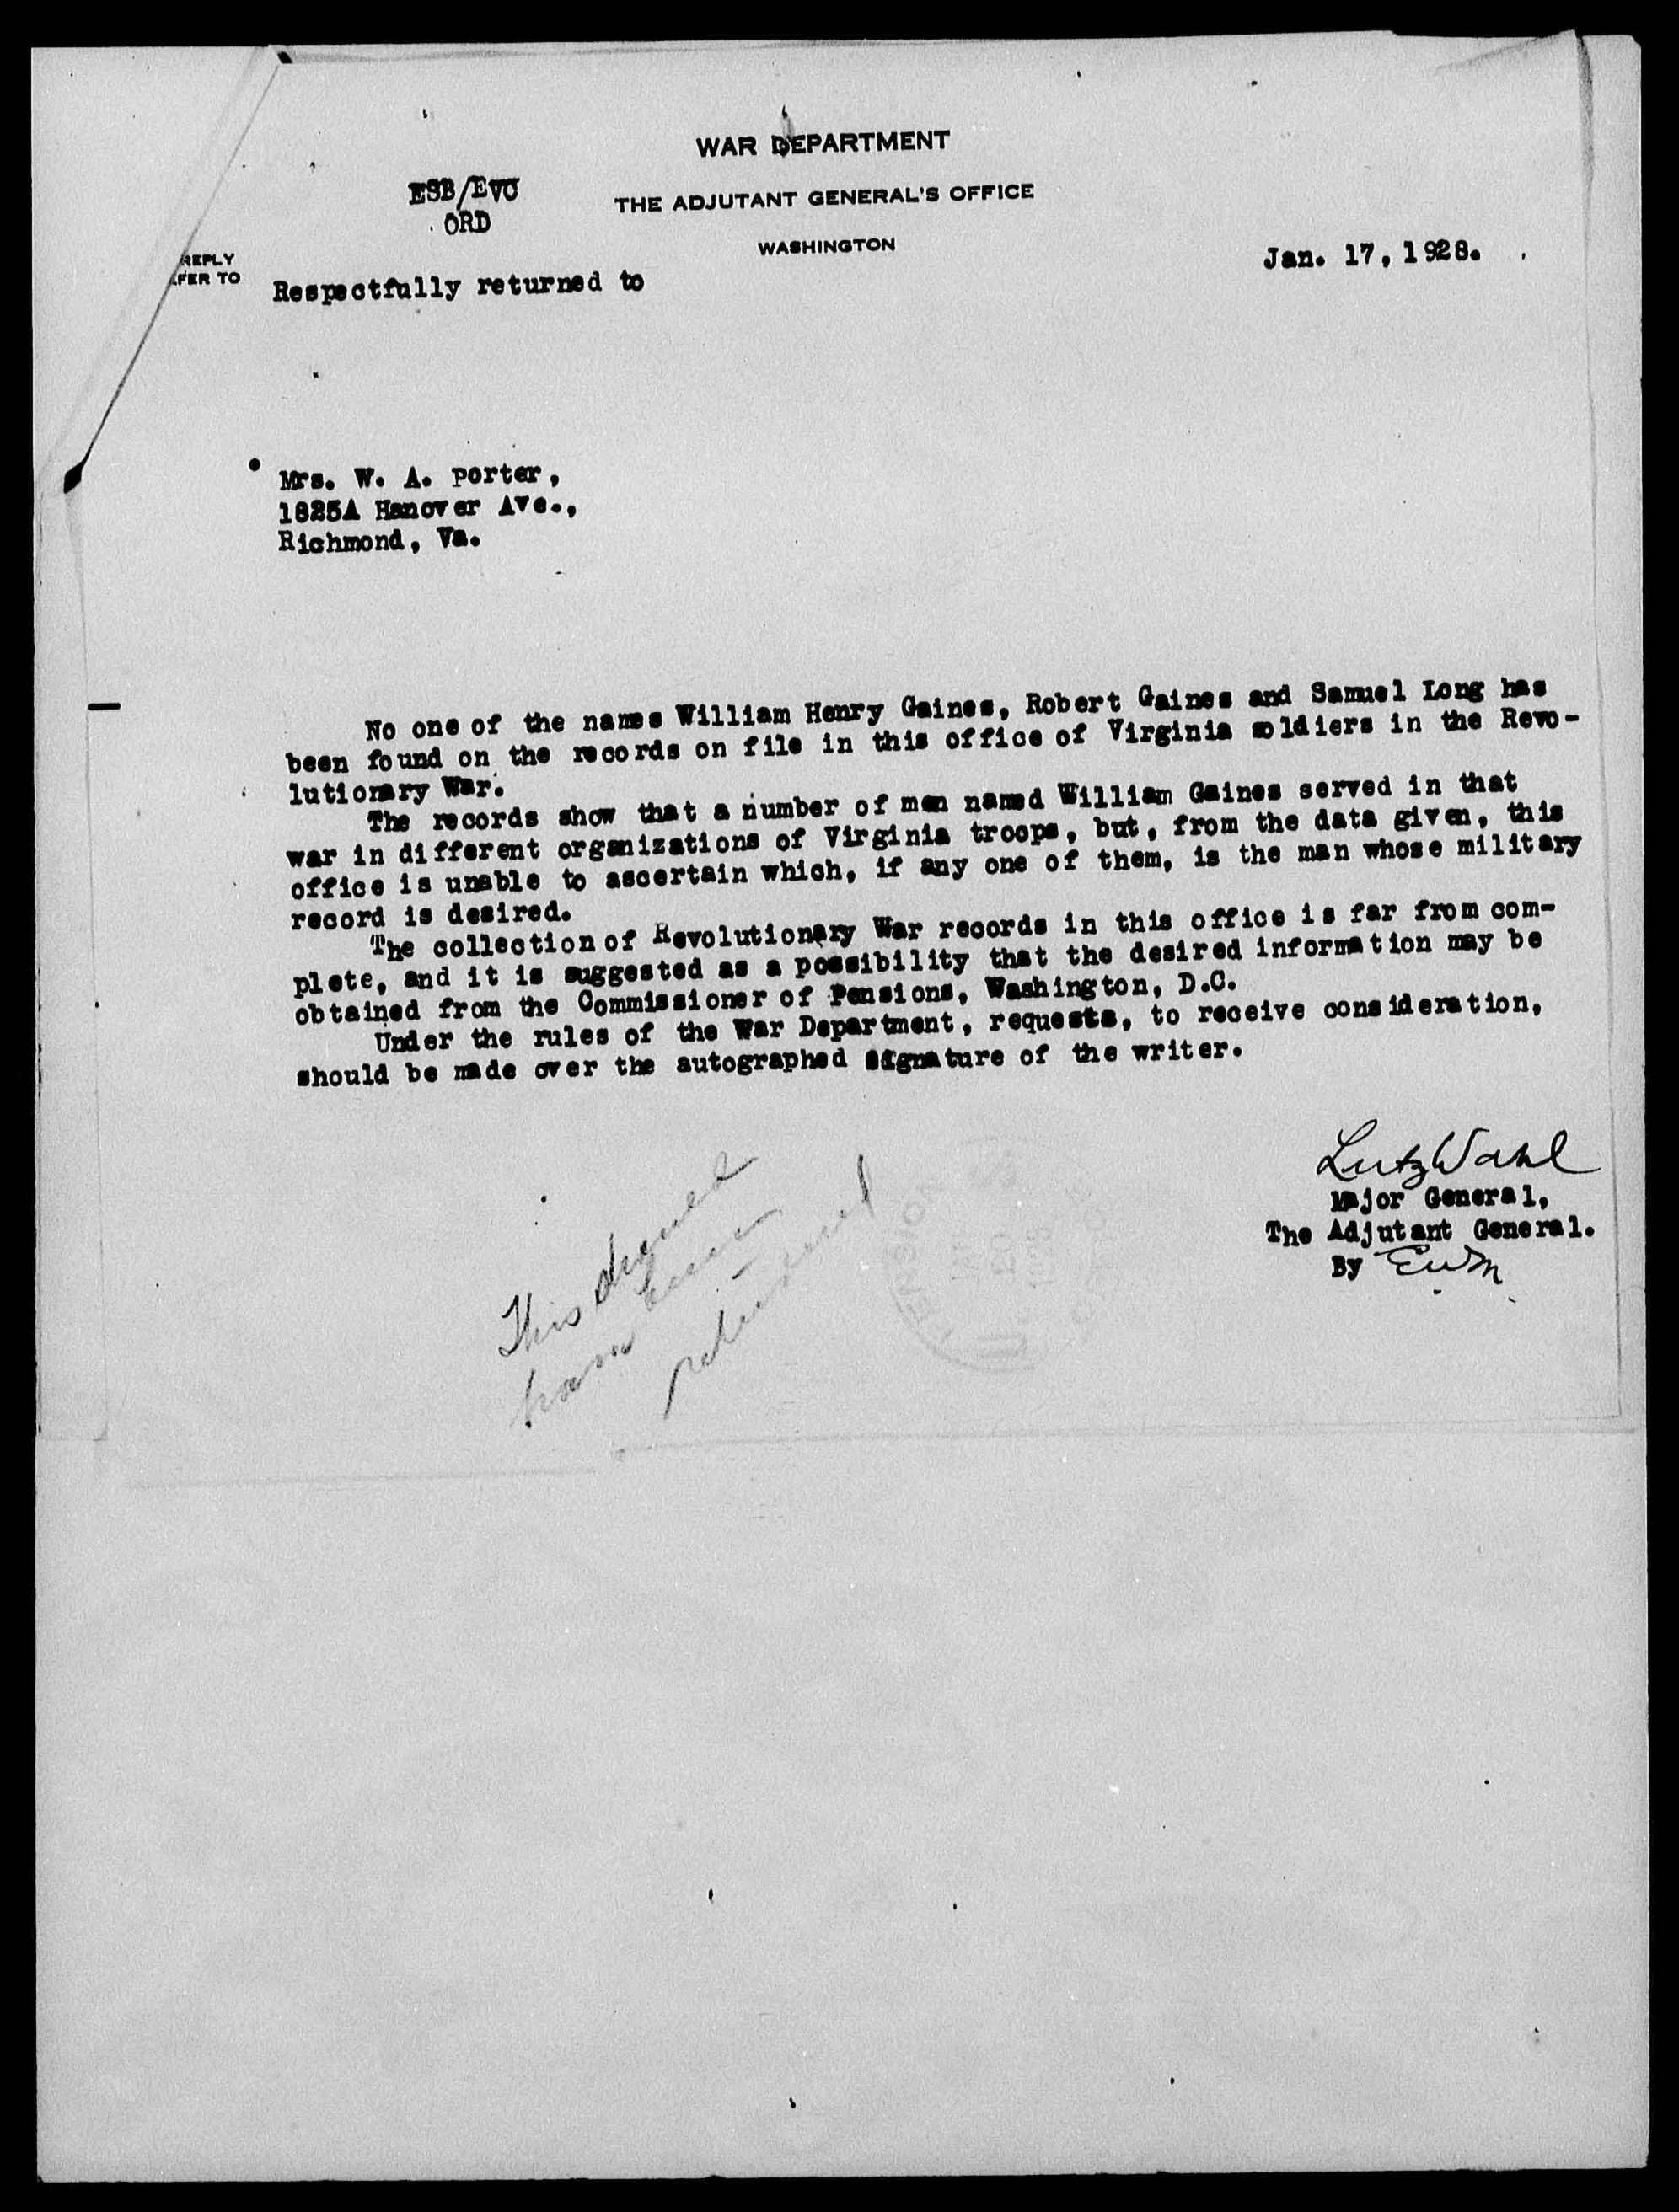ESB/EVC
ORD
[incomplete] REPLY [/incomplete]
[incomplete]FER TO [/incomplete]

WAR DEPARTMENT
THE ADJUTANT GENERAL'S OFFICE
WASHINGTON
Respectfully returned to
Jan. 17, 1928.

Mrs. W. A. Porter,
1825A Hanover Ave.,
Richmond, Va.

No one of the name William Henry Gaines, Robert Gaines and Samuel Long has
been found on the records on file in this office of Virginia Soldiers in the Revolutionary 
War.
The records show that a number of men named William Gaines served in that
war in different organizations of Virginia troops, but, from the data given, this
office is unable to ascertain which, if any one of them, is the man whose military
record is desired.
The collection of Revolutionary War records in this office is far from complete,
and it is suggested as a possibility that the desired information may be
obtained from the Commissioner of Pensions, Washington, D.C.
Under the rules of the War Department, requests, to receive consideration,
should be made over the autographed signature of the writer.
this
Lutz Wahl
Major General,
The Adjutant General.
By EWM
This request 
has been
returned

U. S. PENSION OFFICE
JAN
20
1928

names: Robert Gaines, W A Porter, Lutz Wahl, William Gaines, William Henry Gaines, Samuel Long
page: 45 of 79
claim: rejected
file: R. 3863, Robert Gaines, Va.